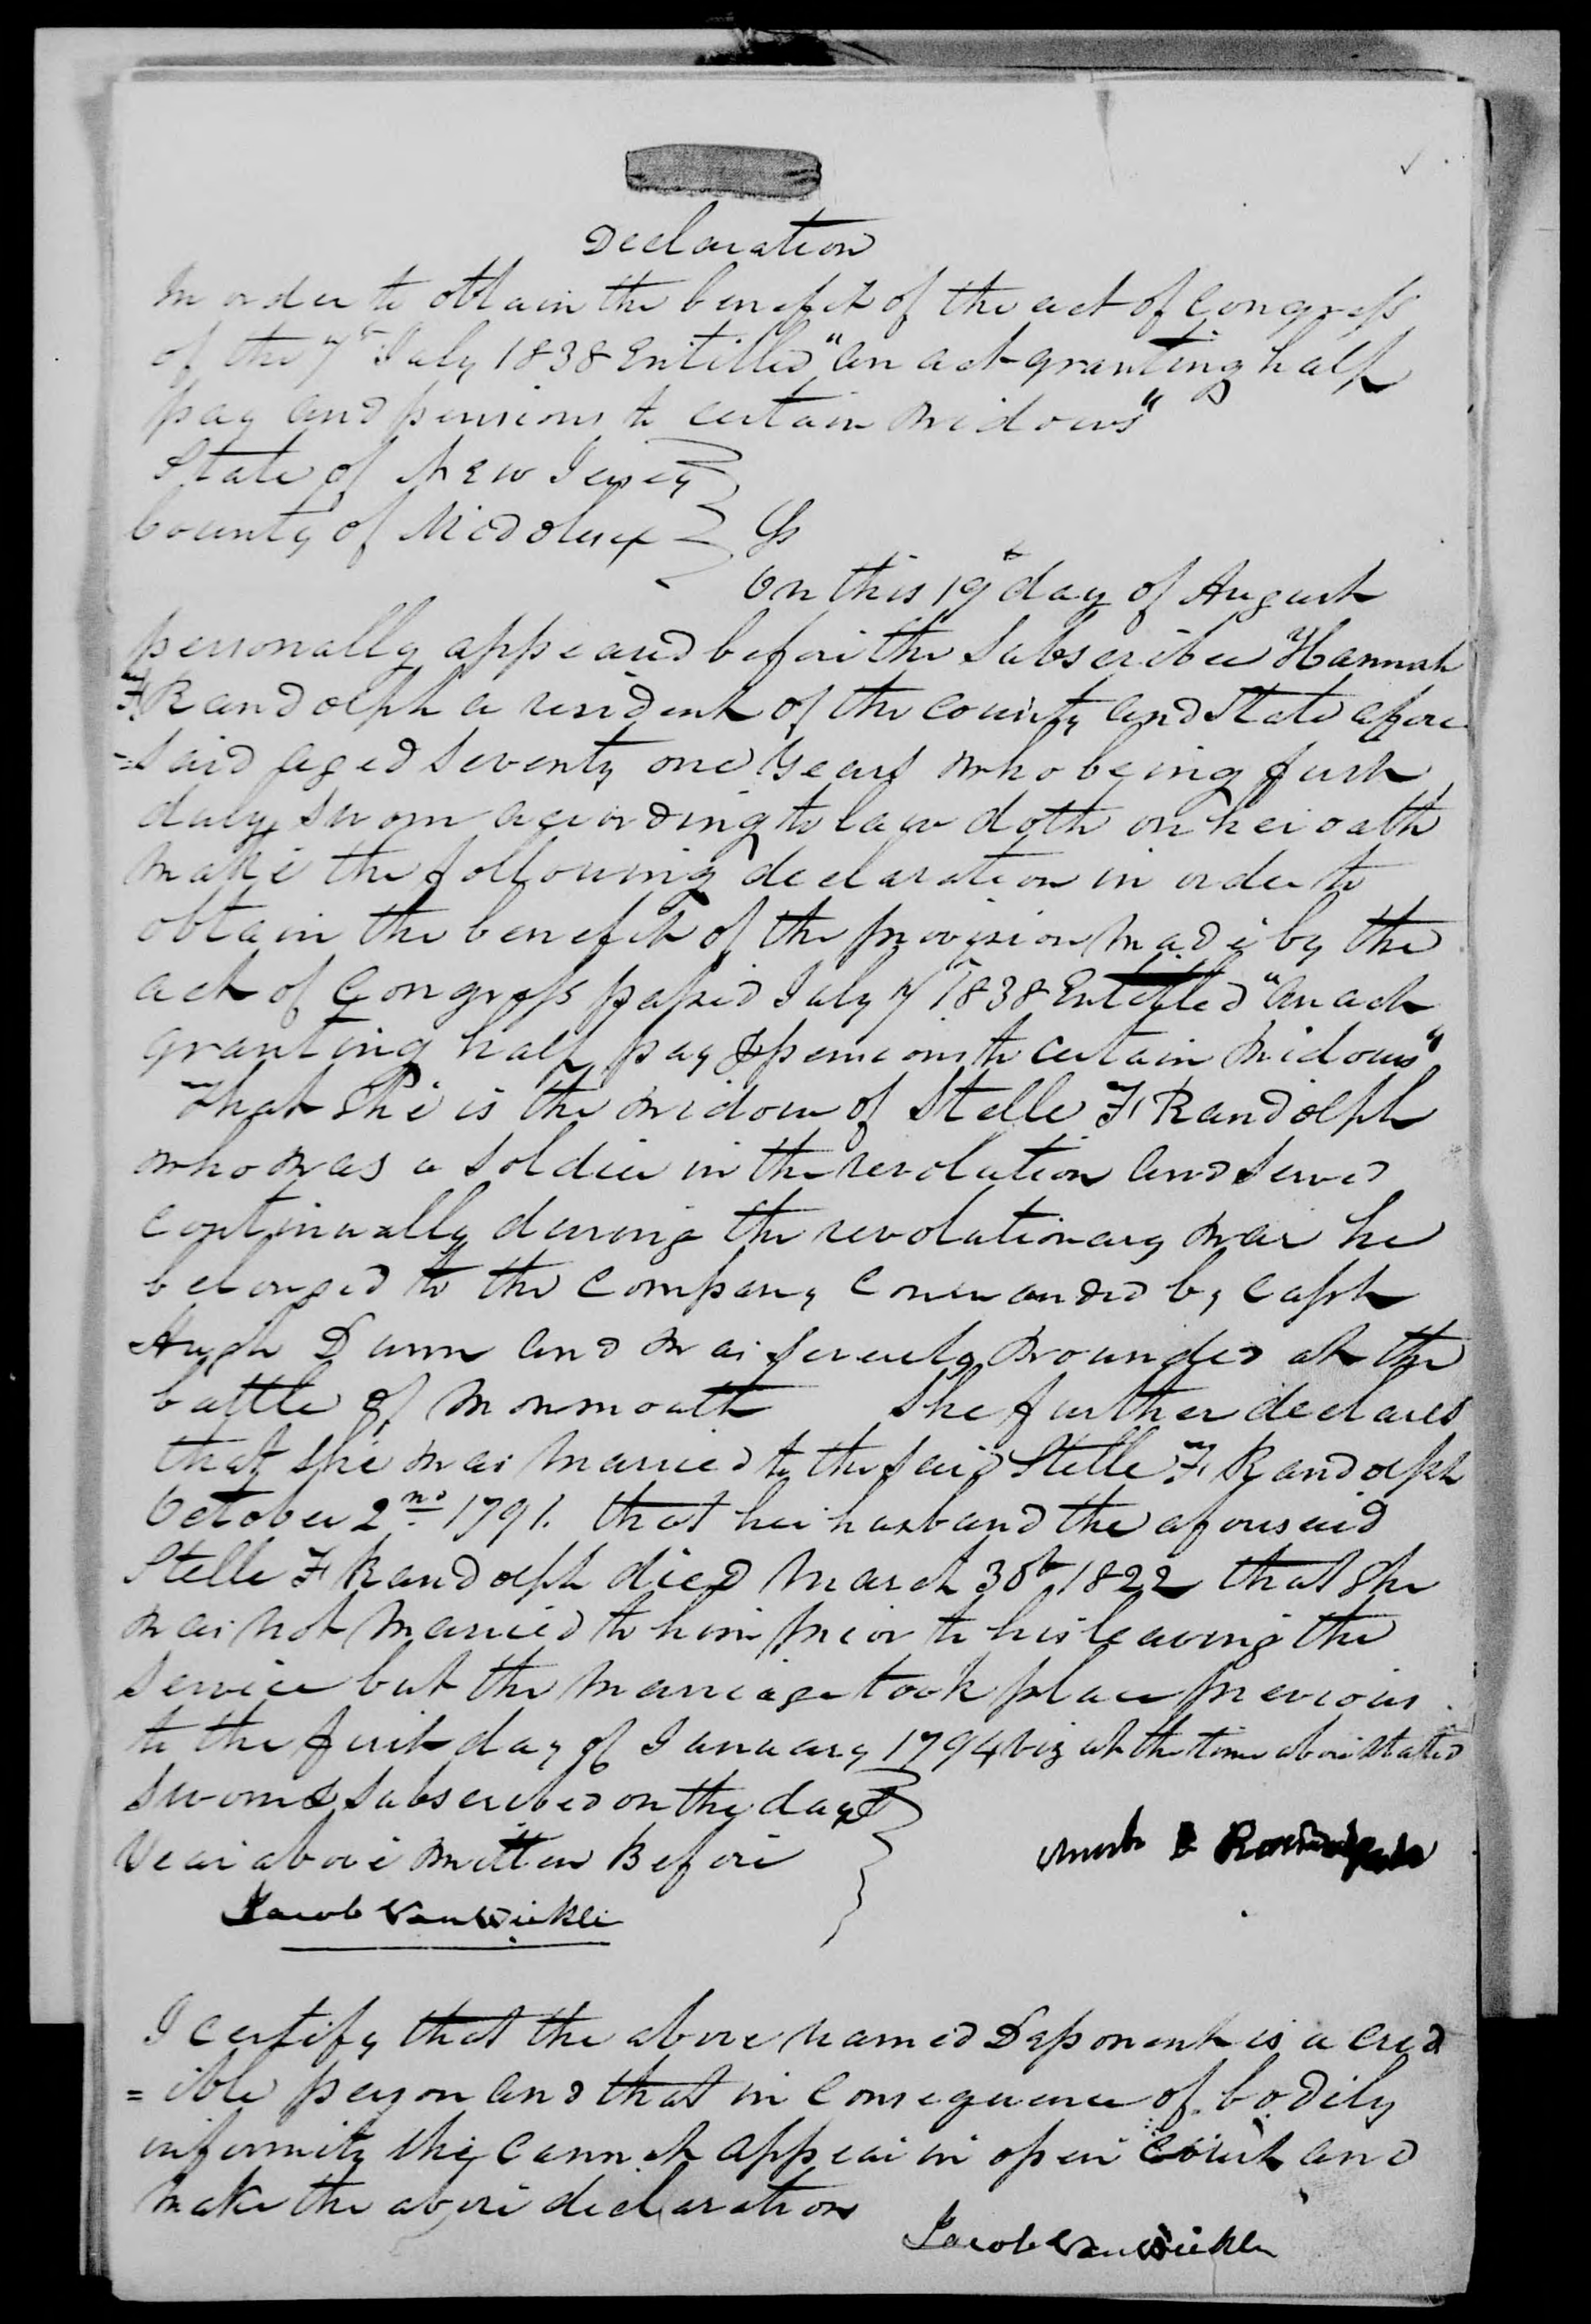Declaration
In order to obtain the benefit of the act of Congress of the 7th July 1838 Entitled "An act granting half pay and pensions to certain widows"
State of New Jersey
County of Middlesex
On this 19th day of August personally appeared before the Subscribed Hannah F. Randolph a resident of the County and State afore said aged Seventy one years who being [illegible]
 duly sworn according to law doth on her oath make the following declaration in order to obtain the benefit of the provision made by the act of Congress passed July 7 1838 entitled "An act granting half pay & pensions to certain widows" That she is the widow of Stelle F Randolph who was a soldier in the revolution and served continually during the revolutionary war he belonged to the company commanded by Capt Hugh Dunn and on a [severly Drounde] at the battle of Monmouth She further declares that she was married to the said Stelle F Randolph October 2nd 1791. that her husband the aforesaid Stella F Randolph died March 30th 1822 that she has not married to him prior to his leaving the service but the marriage took place previous to the first day of January 1794 viz at the time above stated Sworn & Subscribed on the day Vear above written Before Jacob Van Wickle
Annah F Randolph
I certify that the above named Deponent is a credible person and that in consequence of bodily infirmity they cannot appear in open Court and make the above declaration
Jacob Van Wickle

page: 8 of 33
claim: widow's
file: W. 5,665, for Stelle F Randolph, New Jersey